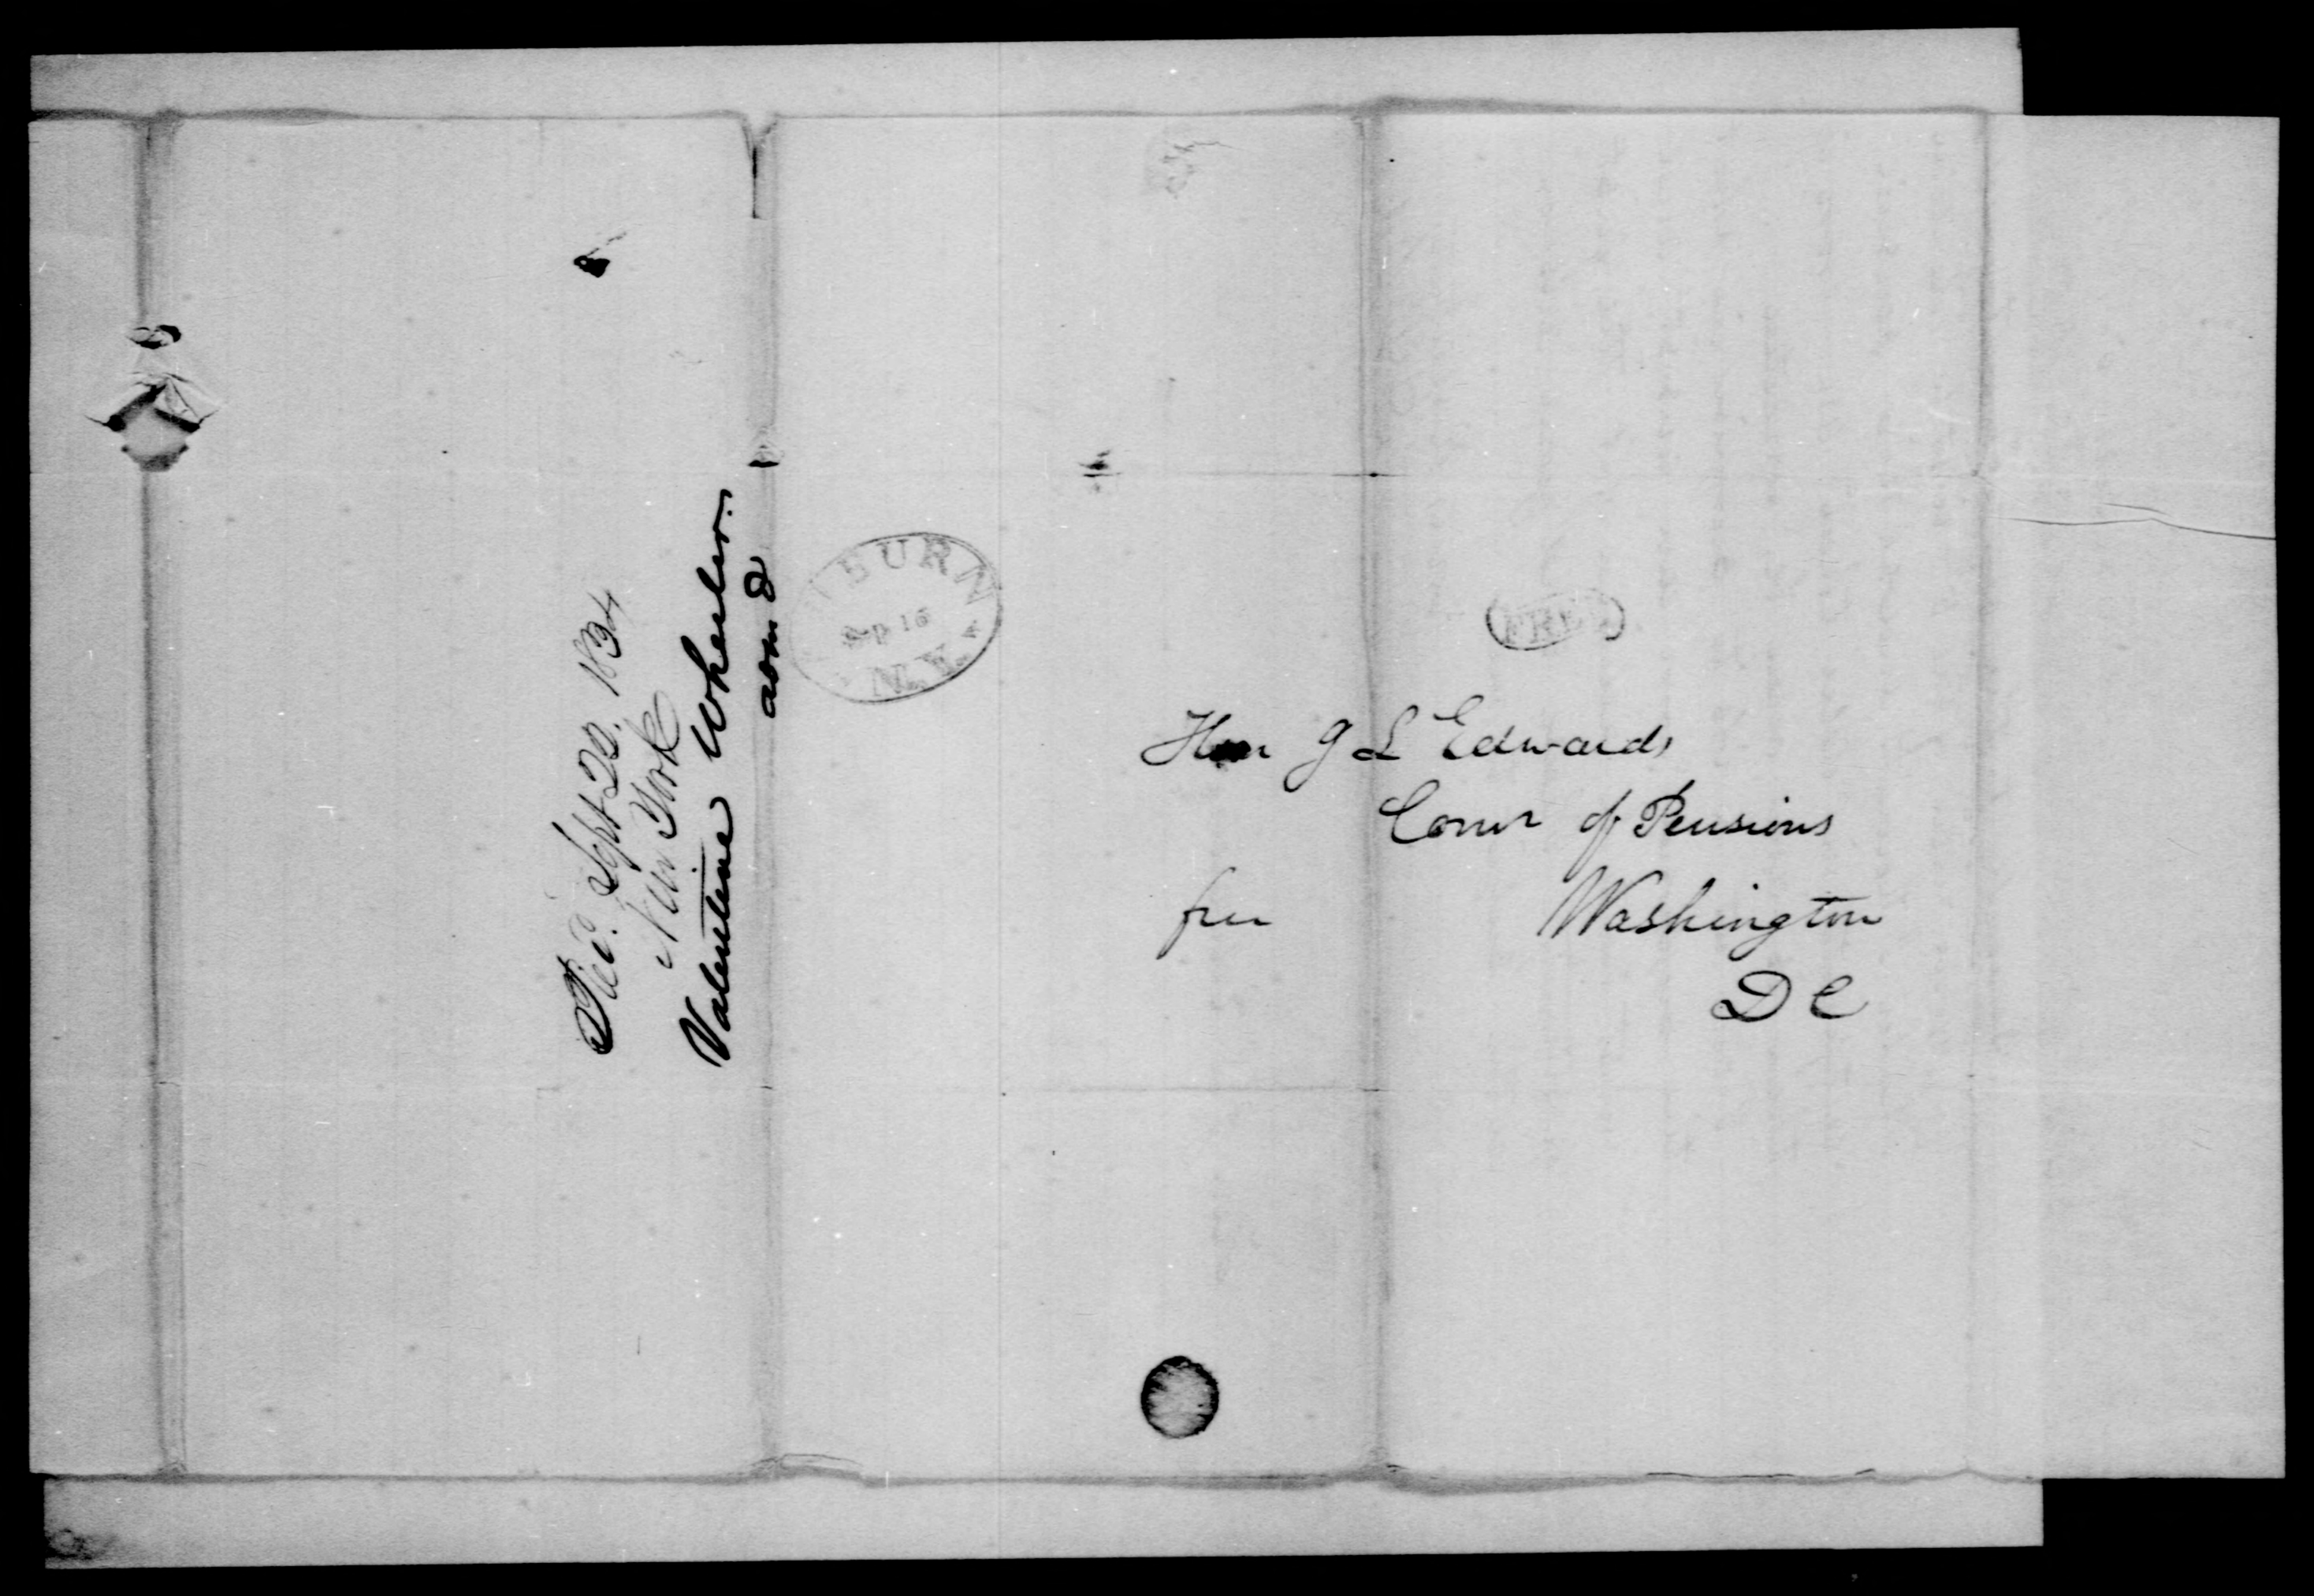[Postmark-Auburn N. Y. Spe 16]

Free
Hon. J. L. Edwards
Comm. of Pensions 
Washington, D. C. 

Rec'd Sept. 20. 1834
New York
Valentine Wheeler
adm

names: Valentine Wheeler, J L Edwards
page: 85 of 98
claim: widow's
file: W. 1682, Valentine Wheeler, Mass.